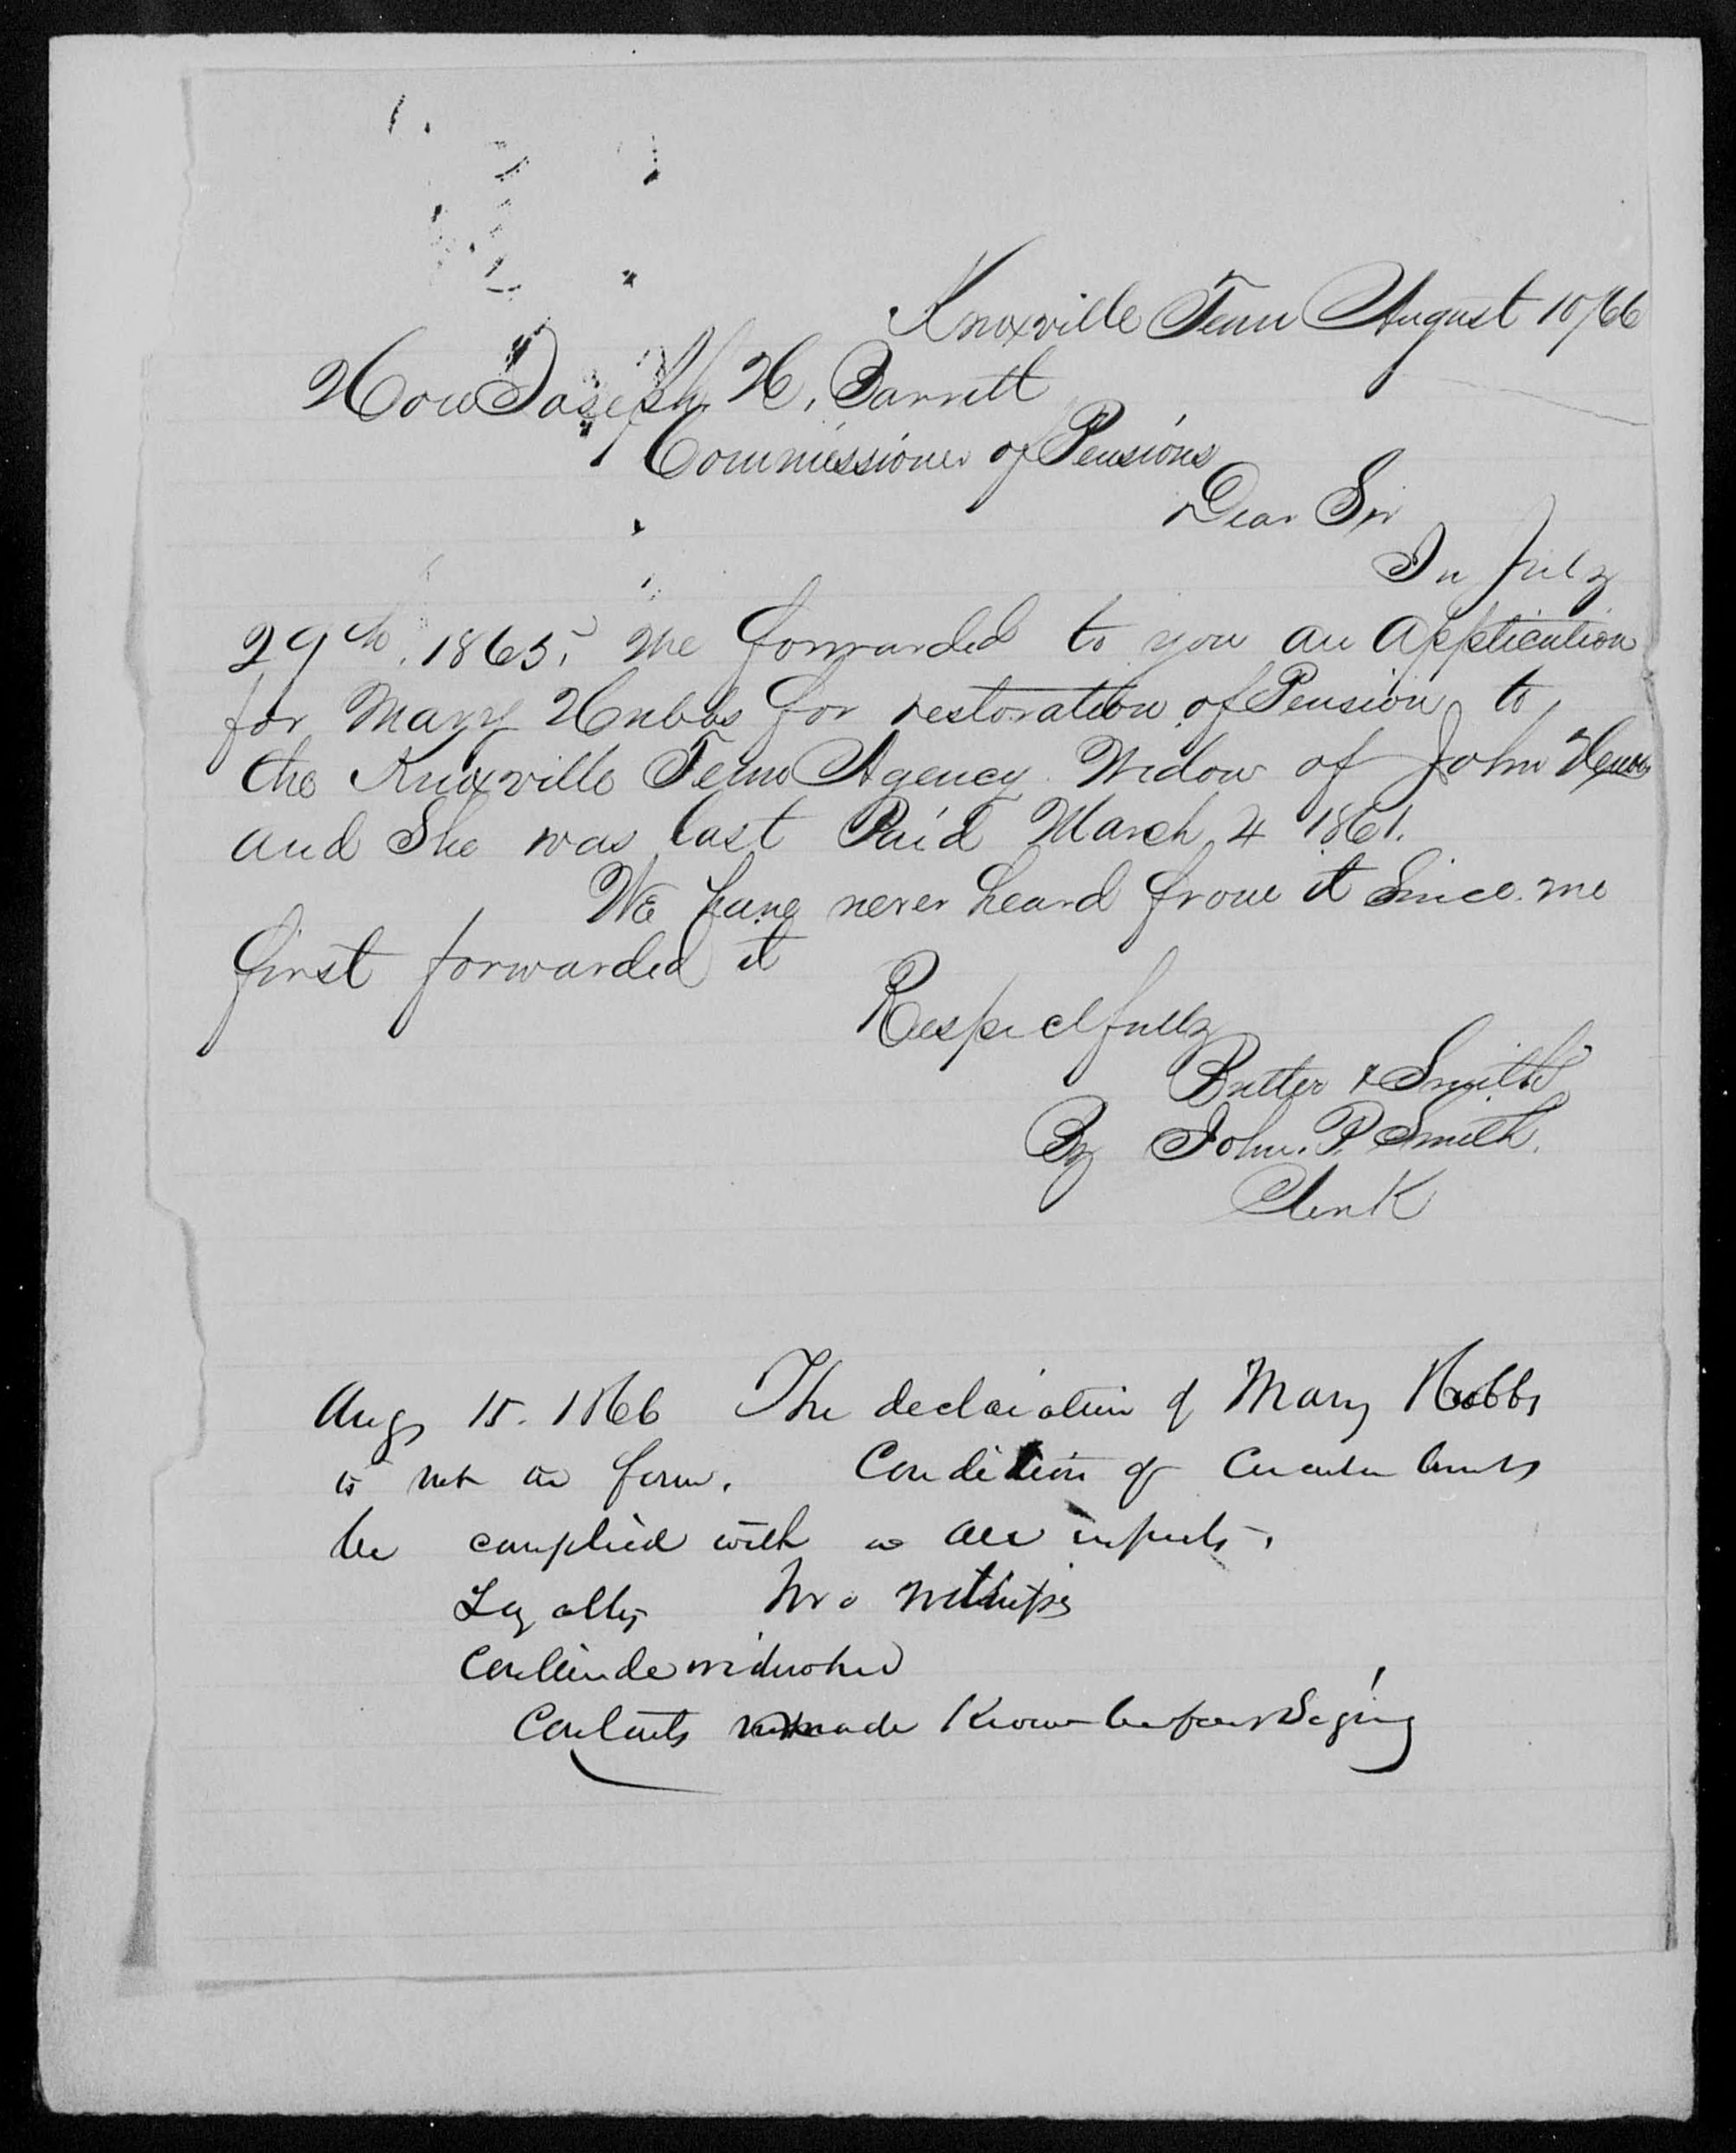Knoxville Tenn August 1866

Hon Joseph H. Barrett
Commissioner of Pensions

Dear Sir
In July 29th, 1865, we forwarded to you an application for Mary Hubbs for restoration of Pension to the Knoxville Tenn Agency Widow of John Hubbs and She was last Paid March 4 1861.
We have never heard from it since we first forwarded it
Respectfully
Butler & Smith
By John P. Smith
Clerk

Aug 15. 1866 The declaration of Mary Hubbs
to not as firm. Conditions of Award cannot be compiled with all input.
Loyalty  No Witnesses
[illegible] widowhood
Contents made Known before signing.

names: John Hubbs, Mary Hubbs, Joseph H Barrett, John P Smith, Batter Smith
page: 69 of 86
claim: widow's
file: W. 1035, John Hubbs, S.C.